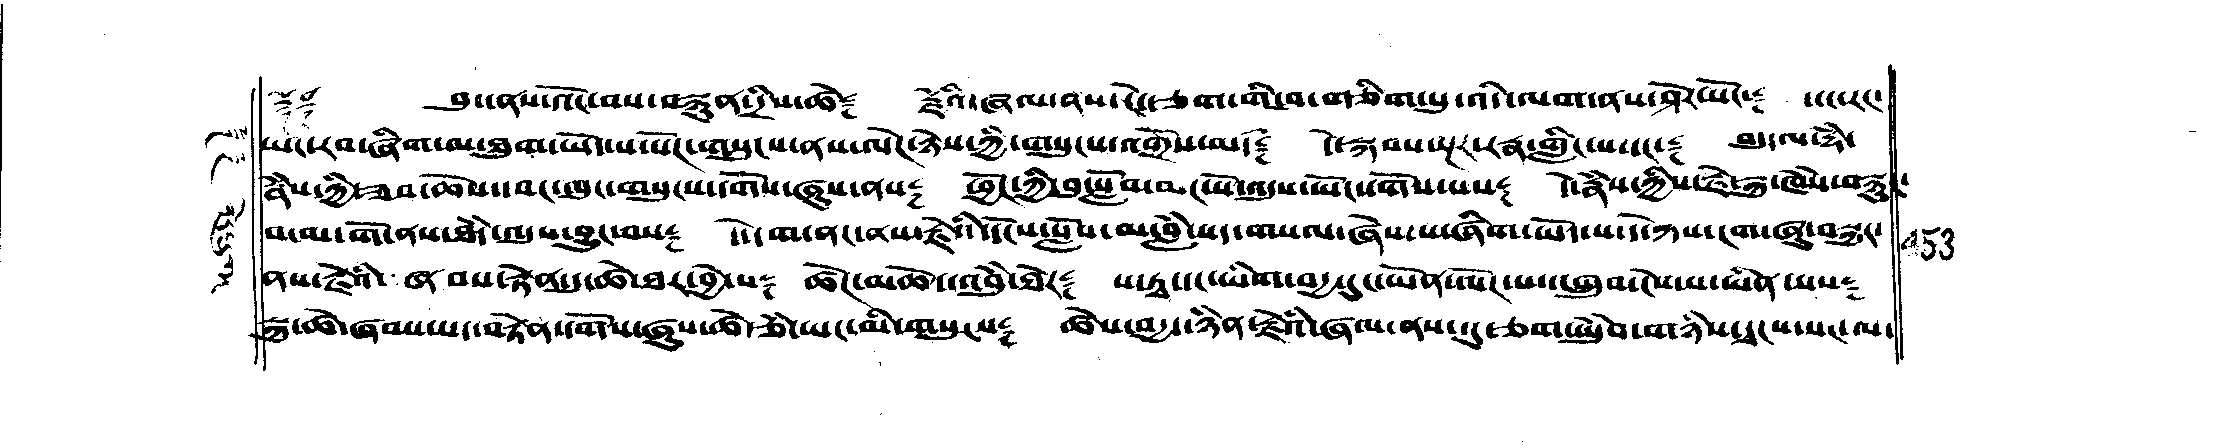བུད་ནས་འོང་བས་བསྙུན་དྲིས་ཚེ། རྗེའི་ཞལ་ནས་ངེད་ཅག་གི་བུ་གཅིག་པུ་འདི་ལག་ནས་ཤོར་སོང་། ད་ང་རང་
ཡང་རབ་ཞིག་ལ་ཐུག་ཡོད་པ་སོགས་གསུངས་ནས་ལེགས་ཉེས་ཀྱི་གསུང་གྲོས་མཛད། དེ་སྐབས་སྔར་རཏྣ་གླིང་པ་དང་། བདུད་འདུལ་རྡོ་རྗེ་
རྣམས་ཀྱི་ཟབ་ཆོས་དབང་ལུང་གསུང་དགོས་ཞུས་ནས། ཕྱོགས་ཀྱི་བུ་སློབ་མང་པོ་འདུས་ཡོང་དགོས་པས། དེ་རྣམས་ཀྱིས་རྗེ་སྐུ་ཁམས་བསྙུང་
བ་མ་གོ་ནས་ཐམས་ཅད་འདུས་བྱུང་བས། དེ་དག་ནང་ནས་རྗེའི་དངོས་སློབ་མ་བླ་མ་པད་གསལ་ཞེས་པ་ཞིག་ཡོད་པ་དེ་ཀས་ངག་ཞུ་བསྐུར་
ནས་རྗེའི་ཞབས་བརྟན་དུ་ཚེ་ཐར་བྱེ་བ། ཚོགས་མཆོད་འབུམ་ཐེར། ས་ཏྭ་དང་ཡིག་བརྒྱ་དུང་ཡོན་ལ་སོགས་པ་འགྲུབ་ངེས་པ་ཡིན་པས། 
སྐུ་ཚེ་ཞབས་པད་བརྟན་དགོས་ཞུས་ཚེ་ཅི་ཡང་མི་གསུངས། ཚེས་བརྒྱད་ཉིན་རྗེའི་ཞལ་ནས་འུ་ཅག་ཡབ་ཡུམ་གཉིས་དྭངས་སང་ལ་